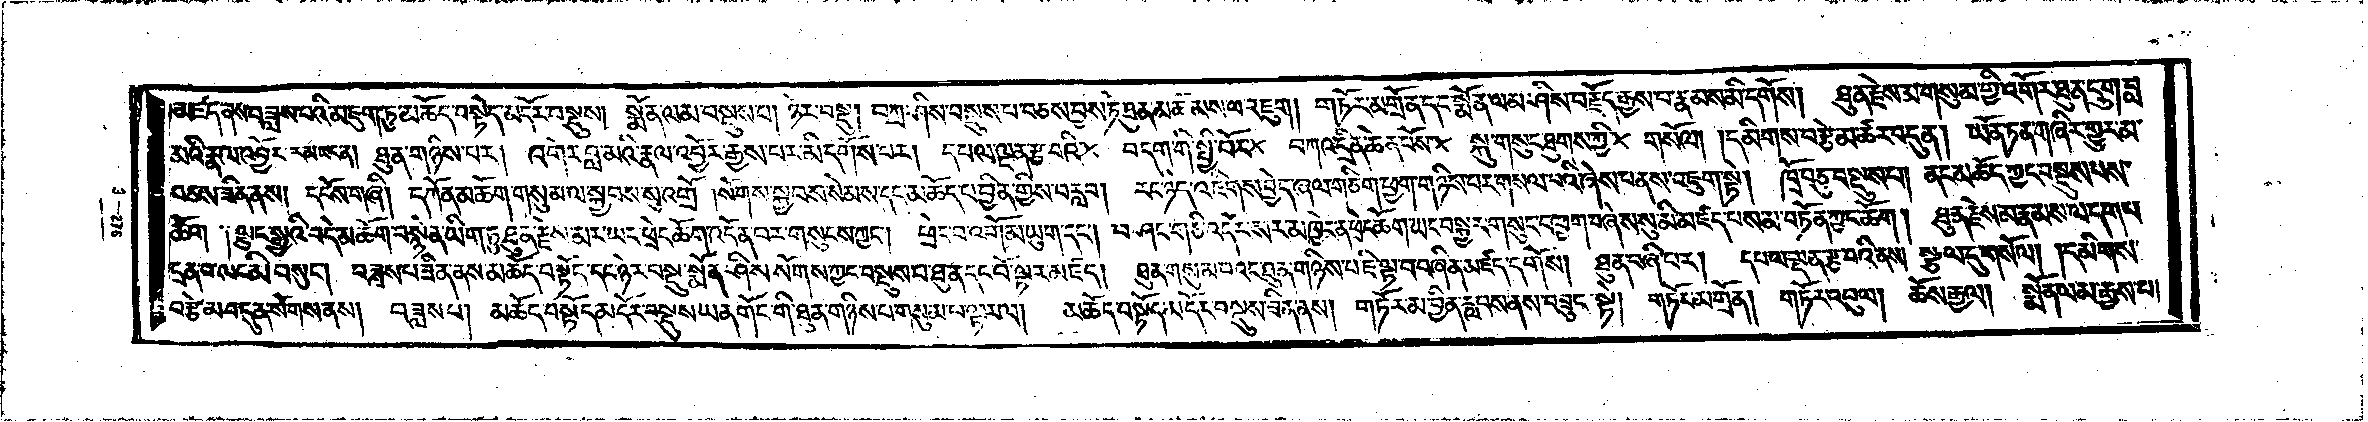མཛད་ནས་བཟླས་པའི་མཇུག་ཏུ་མཆོད་བསྟེད་མདོར་བསྡུས། སྨོན་ལམ་བསྡུས་པ། ཉེར་བསྡུ། བཀྲ་ཤིས་བསྡུས་པ་བཅས་བྱས་ཏེ་ཐུན་མཚམས་ལ་འཇུག། གཏོར་མགྲོན་དང་སྨོན་ལམ་ཤིས་བརྗོད་རྒྱས་པ་རྣམས་མི་དགོས། ཐུན་རྗེས་མ་གསུམ་གྱི་འགོར་ཐུན་དྲུག་བླ་
མའི་རྣལ་འབྱོར་རམ་ཡང་ན། ཐུན་གཉིས་པར། འགེར་བླ་མའི་རྣལ་འབྱོར་རྒྱས་པར་མི་དགོས་པར། དཔལ་ལྡན་རྩ་བའི་྾་བདག་གི་སྤྱི་བོར་྾་བཀའ་དྲིན་ཆེན་པོས་྾་སྐུ་གསུངས་ཐུགས་ཀྱི་྾་གསོལ། །དམིགས་བརྩེ་མཚར་བདུན། ཡོན་ཏན་གཞིར་གྱུར་མ་
བཅས་ཟིན་ནས། དངོས་གཞི། དཀོན་མཆོག་གསུམ་ལ་སྐྱབས་སུ་འགྲོ་།སོགས་སྐྱབས་སེམས་དང་མཆོད་པ་བྱིན་གྱིས་བརླབ། རང་ཉིད་འཇིག་བྱེད་ཞལ་གཅིག་ཕྱག་གཉིས་པར་གསལ་བའི་ཞེས་པ་ནས་འཇུག་སྟེ། ཁྲོ་བཅུ་བསྡུས་པ། ནང་མཆོད་ཀྱང་བསྡུས་པས་
ཆོག ༑ལྕང་སྒྱའི་བདེ་མཆོག་བསྙེན་ཡིག་ཏུ་ཐུན་རྗེས་མར་ཡང་ཕྲེང་ཆོ་ག་འདོན་པར་གསུངས་ཀྱང་། ཕྲེང་བ་འགོ་མ་ཡུག་དང་། བཤད་གཅི་འདོར་སར་མཁྱེད་ན་ཆོག་ཡང་བསྐྱར་གསུང་ང་ཕྱག་བཞེས་སུ་མི་མཛད་པས་མ་བཏོན་ཀྱང་ཆོག ། ཐུན་རྗེས་མ་རྣམས་ལ་དག་པ་
དྲན་པ་ལང་མི་བསྲུང་། བཟླས་པ་ཟིན་ནས་མཆོད་བསྟོད་དང་ཉེར་བསྡུ་སྨོན་ཤིས་སོགས་ཀྱང་བསྡུས་བ་ཐུན་དང་བོ་ལྟར་མཛད། ཐུན་གསུམ་བའང་ཐུན་གཉིས་པ་ཇི་ལྟ་བ་བཞིན་མཛད་དགོས། ཐུན་བཞི་པར། དཔལ་ལྡན་རྩ་བའི་ནས། སྩལ་དུ་གསོལ། །དམིགས་
བརྩེ་མ་བདུན་སོགས་ནས། བཟླས་པ། མཆོད་བསྟོད་མདོར་བསྡུས་ཡན་གོང་གི་ཐུན་གཉིས་པ་གསུམ་པ་ལྟར་ལ། མཆོད་བསྟོད་མདོར་བསྡུས་ཟིན་ནས། གཏོར་མ་བྱིན་རླབས་ནས་བཟུང་སྟེ། གཏོང་མ་གྲོན། གཏོར་འབུལ། ཆོས་རྒྱལ། སྨོན་ལམ་རྒྱས་པ།